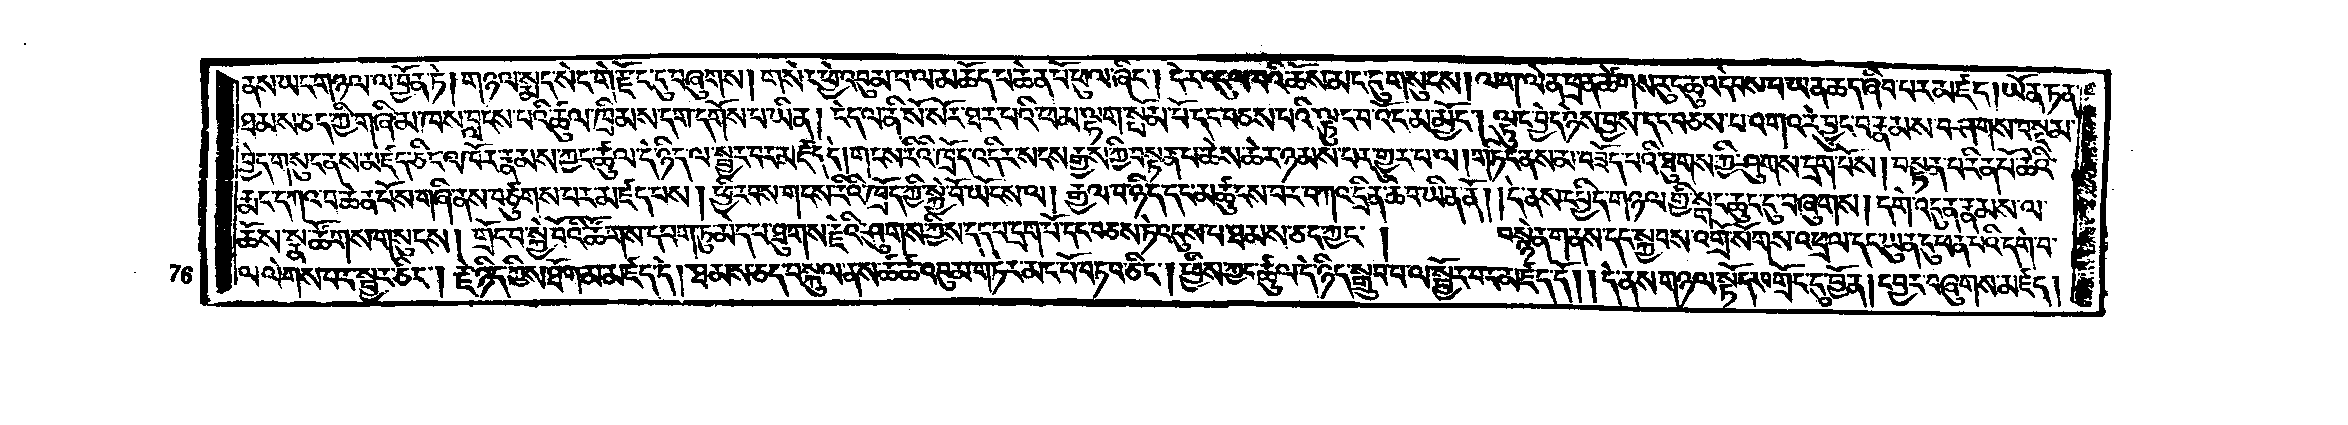ནས་ཡང་གཉལ་ལ་བྱོན་ཏེ། གཉལ་སྨད་སེང་གེ་རྫོང་དུ་བཞུགས། གསེར་ཕྱེ་འབུམ་པ་ལ་མཆོད་པ་ཆེན་པོ་ཕུལ་ཞིང་། དེར་འདུལ་བའི་ཆོས་མང་དུ་གསུངས། ལག་ལེན་ཕྲན་ཚེགས་རུང་ཆུ་འདེབས་པ་ཡན་ཆད་ཞིབ་པར་མཛད། ཡོན་ཏན་
ཐམས་ཅད་ཀྱི་གཞི་མ་ཁས་བླངས་པའི་ཚུལ་ཁྲིམས་དག་དགོས་པ་ཡིན། ངེད་ལ་ནི་སོ་སོར་ཐར་པའི་ཕམ་ལྷག་སྤོམ་པོ་དང་བཅས་པའི་ལྟུང་བ་འོང་མ་མྱོང་། ལྟུང་བྱེད་ཉེས་བྱས་དང་བཅས་པ་འགའ་རེ་བྱུང་བ་རྣམས་བཤགས་བསྔམ་
བྱེད་གསུང་ནས་མཛད་ཅིང་འཁོར་རྣམས་ཀྱང་ཚུལ་དེ་ཉིད་ལ་སྦྱར་བར་མཛད་དེ། གངས་རིའི་ཁྲོད་འདིར་སངས་རྒྱས་ཀྱི་བསྟན་པ་ཆེས་ཆེར་ཉམས་པར་གྱུར་པ་ལ། གཏིང་ནས་མ་བཟོད་པའི་ཐུགས་ཀྱི་ཤུགས་དྲག་པོས། བསྟན་པ་རིན་པོ་ཆེའི་
རྨང་དཀའ་བ་ཆེན་པོས་གཞི་ནས་བཙུགས་པར་མཛད་པས། ཕྱི་རབས་གངས་རིའི་ཁྲོད་ཀྱི་སྐྱེ་བོ་ཡོངས་ལ། རྒྱལ་བ་ཉིད་དང་མཚུངས་པར་བཀའ་དྲིན་ཆེ་བ་ཡིན་ནོ། །དེ་ནས་དཔྱིད་གཉལ་གྱི་སྒང་ཆུང་དུ་བཞུགས། དགེ་འདུན་རྣམས་ལ་
ཆོས་སྣ་ཚོགས་གསུངས། གྲོང་བ་སྐྱེ་བོའི་ཚོགས་དཔག་ཏུ་མེད་པ་ཐུགས་རྗེའི་ཤུགས་ཀྱིས་དད་པ་དྲག་པོ་དང་བཅས་ཏེ་འདུས་པ་ཐམས་ཅད་ཀྱང་། བསྙེན་གནས་དང་སྐྱབས་འགྲོ་སོགས་འཕྲལ་དང་ཡུན་དུ་ཕན་པའི་དགེ་བ་
ལ་ལེགས་པར་སྦྱར་ཅིང་། རྗེ་ཉིད་ཀྱིས་ཐོག་མ་མཛད་དེ། ཐམས་ཅད་བསྐུལ་ནས་ཚ་ཚ་འབུམ་གཏེར་མང་པོ་བཏབ་ཅིང་། ཕྱིས་ཀྱང་ཚུལ་དེ་ཉིད་སྒྲུབ་པ་ལ་སྦྱོར་བར་མཛད་དོ། །དེ་ནས་གཉལ་སྟོད་རབ་གྲོང་དུ་བྱོན། དབྱར་བཞུགས་མཛད།